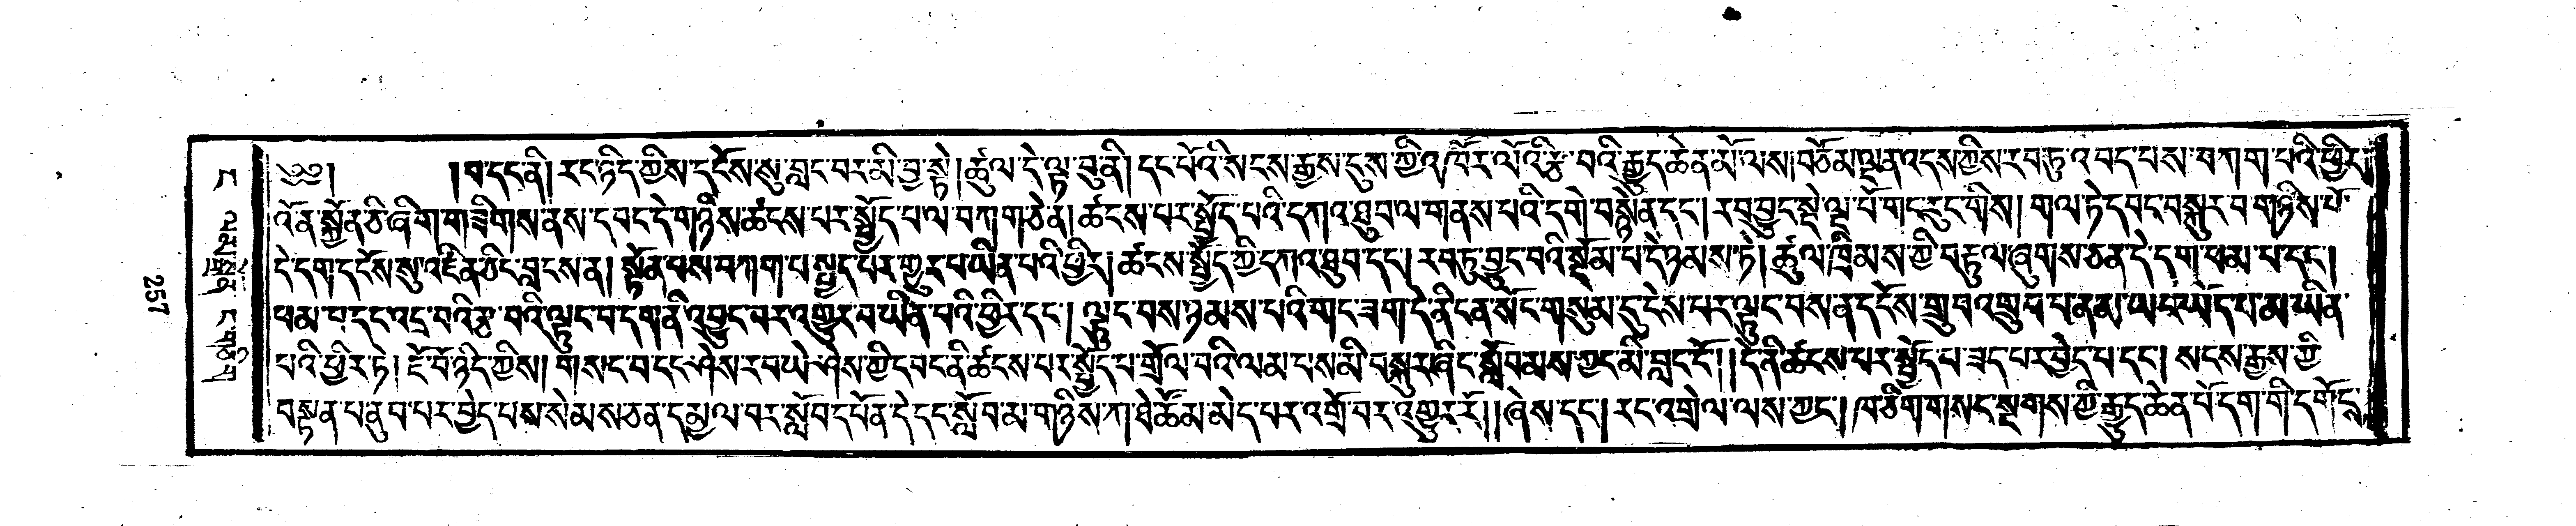༄༅། །བ་དང་ནི། རང་ཉིད་ཀྱིས་དངོས་སུ་བླང་བར་མི་བྱ་སྟེ། ཚུལ་དེ་ལྟ་བུ་ནི། དང་པོའི་སངས་རྒྱས་དུས་ཀྱི་འཁོར་ལོའི་རྩ་བའི་རྒྱུད་ཆེན་མོ་ལས། བཅོམ་ལྡན་འདས་ཀྱིས་རབ་ཏུ་འབད་པས་བཀག་པའི་ཕྱིར།
འོ་ན་སྐྱོན་ཅི་ཞིག་གཟིགས་ནས་དབང་དེ་གཉིས་ཚངས་པར་སྤྱོད་པ་ལ་བཀག་ཅེ་ན། ཚངས་པར་སྤྱོད་པའི་དཀའ་ཐུབ་ལ་གནས་པའི་དགེ་བསྙེན་དང་། རབ་བྱུང་སྡེ་ལྔ་པོ་གང་རུང་གིས། གལ་ཏེ་དབང་བསྐུར་བ་གཉིས་པོ་
དེ་དག་དངོས་སུ་འཛིན་ཅིང་བླངས་ན། སྟོན་པས་བཀག་པ་སྤྱད་པར་གྱུར་པ་ཡིན་པའི་ཕྱིར། ཚངས་སྤྱོད་ཀྱི་དཀའ་ཐུབ་དང་། རབ་ཏུ་བྱུང་བའི་སྡོམ་པ་དེ་ཉམས་ཏེ། ཚུལ་ཁྲིམས་ཀྱི་བརྟུལ་ཞུགས་ཅན་དེ་དག་ཕམ་པ་དང་།
ཕམ་པ་དང་འདྲ་བའི་རྩ་བའི་ལྟུང་བ་དག་ནི་འབྱུང་བར་འགྱུར་བ་ཡིན་པའི་ཕྱིར་དང་། ལྟུང་བས་ཉམས་པའི་གང་ཟག་དེ་ནི་ངན་སོང་གསུམ་དུ་ངེས་པར་ལྟུང་བས་ན་དངོས་གྲུབ་འགྲུབ་པ་ནམ་ཡང་ཡོད་པ་མ་ཡིན་
པའི་ཕྱིར་ཏེ། ཇོ་བོ་ཉིད་ཀྱིས། གསང་བ་དང་ཤེས་རབ་ཡེ་ཤེས་ཀྱི་དབང་ནི་ཚངས་པར་སྤྱོད་པ་གྲོལ་བའི་ལམ་པས་མི་བསྐུར་ཞིང་སློབ་མས་ཀྱང་མི་བླང་ངོ། །དེ་ནི་ཚངས་པར་སྤྱོད་པ་ཟད་པར་བྱེད་པ་དང་། སངས་རྒྱས་ཀྱི་
བསྟན་པ་ནུབ་པར་བྱེད་པས་སེམས་ཅན་དམྱལ་བར་སློབ་དཔོན་དེ་དང་སློབ་མ་གཉིས་ཀ་ཐེ་ཚོམ་མེད་པར་འགྲོ་བར་འགྱུར་རོ། །ཞེས་དང་། རང་འགྲེལ་ལས་ཀྱང་། ཁ་ཅིག་གསང་སྔགས་ཀྱི་རྒྱུད་ཆེན་པོ་དག་གི་དགོངས་